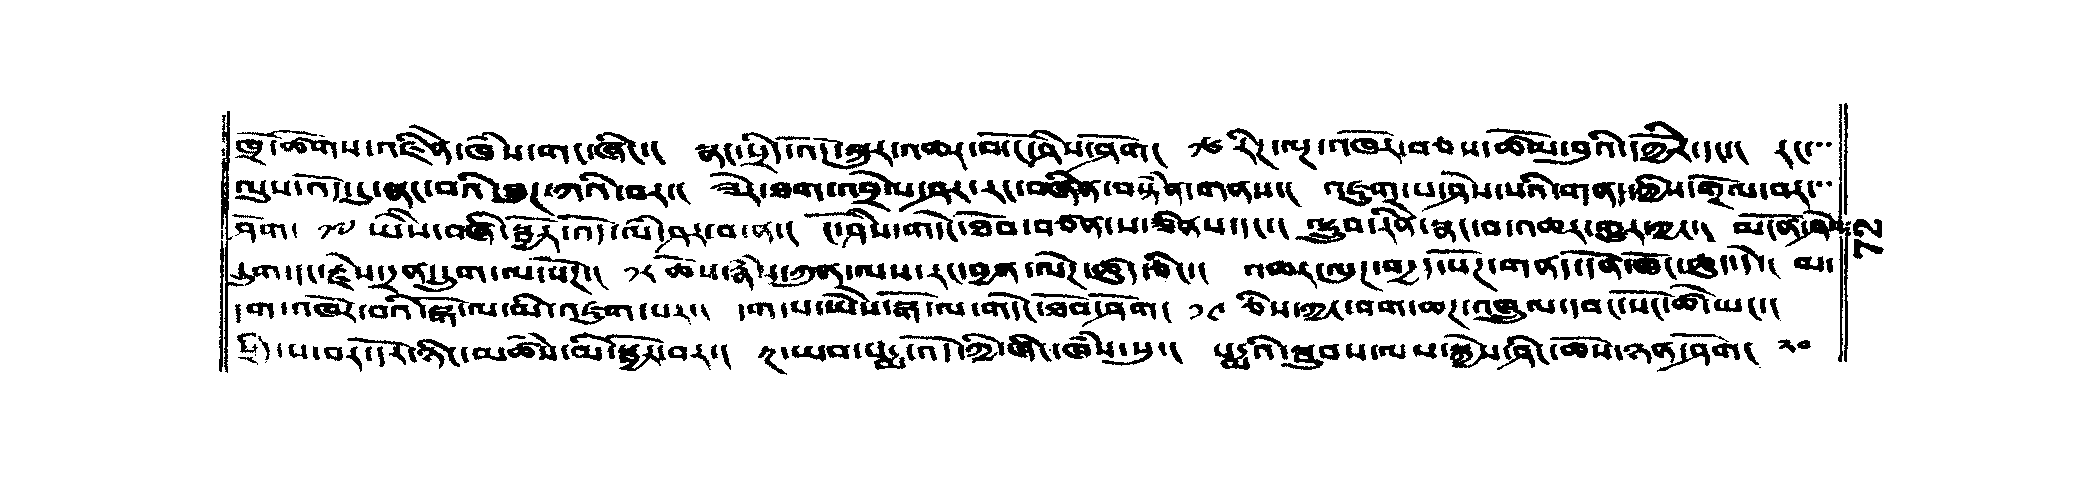ཁྲོ་ཚོགས་འཇིག་རྟེན་ཁམས་གང་ཞིང་། །སྣང་སྲིད་འོད་སྐུར་འཆར་བ་ངོ་ཤེས་ཤོག །རིགས་ལྔ་འཁོར་བཅས་ཚོམ་བུའི་དཀྱིལ་འཁོར་དང་། །རང་
ལུས་འོད་དུ་སྣང་བའི་ཐུགས་ཀའི་བར། །ཟེར་ཐག་འབྲེལ་ཤར་རང་བཞིན་བསམ་གཏན་གནས། །འཇུག་པ་ཤེས་པའི་གནད་ཀྱིས་གྲོལ་བར་
ཤོག །ཡེ་ཤེས་བཞི་སྦྱོར་འོད་ལམ་ཤར་བ་ན། །ངོ་ཤེས་གདེང་ཐོབ་བཙན་ས་ཟིན་པ་དང་། །ལྷུན་གྲུབ་རིན་ཆེན་སྣང་བ་འཆར་གྱུར་ཀྱང་། །མངོན་ཤེས་
དྲུག་དང་རྗེས་དྲན་དྲུག་ལ་སོགས། །ཆོས་རྣམས་ཀུན་ལས་རང་བྱན་ལེགས་ཚུད་ཅིང་། །འཆར་ལུགས་བརྒྱད་སོགས་གནད་དོན་ཁོང་ཆུད་དེ། །མ་
དག་འཁོར་བའི་སྒོ་ལ་མི་འཇུག་པར། །དག་པ་ཡེ་ཤེས་སྒོ་ལ་གདེང་ཐོབ་ཤོགཅིས་ཀྱང་བག་ཆགས་འཁྲུལ་དབང་སོང་ཚེ་ཡང་། །
སྲིད་པ་བར་དོར་ཉིང་མཚམས་མི་སྦྱོར་བར། །རྔ་ཡབ་པདྨ་འོད་ཀྱི་ཞིང་ཁམས་སུ། པདྨའི་སྦུབས་ལས་སྐྱེས་ཤིང་ཆོས་ཉན་ཤོག